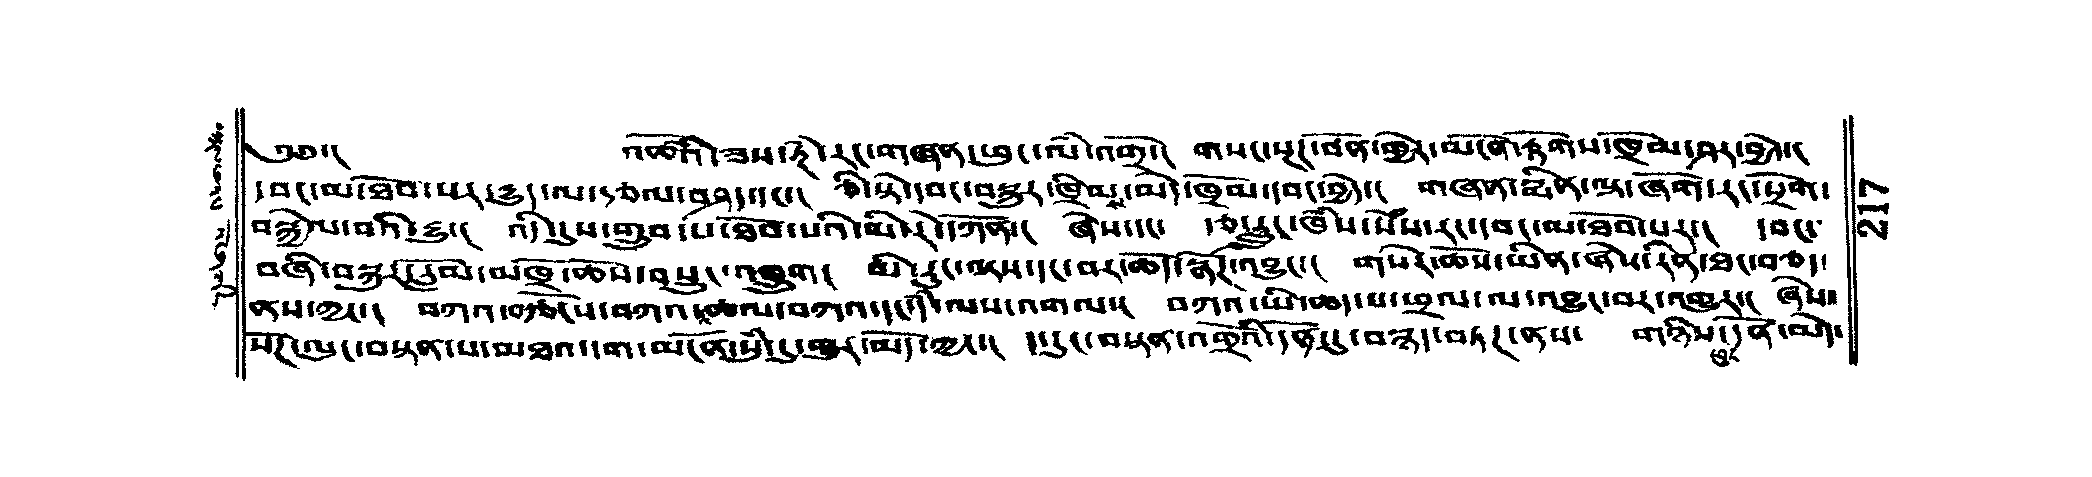འཚོའི་ཟས་རྔམ་རང་གཞན་ཕུང་ལམ་འགྲོ། །གསང་སྔགས་བོན་གྱེར་མངོན་རྟོགས་ཁྲོམ་ཤར་བྱེད། །
དབང་མ་ཐོབ་པར་རྒྱུད་ལ་རྩལ་བཤད་དང་། །ཅི་སྟེ་དབང་བསྐུར་ཁྲིམས་མེད་ཁྲོམ་དབང་བྱེད། །གཞན་སྨིན་ལྟ་ཞོག་རང་སྲོག་
བསྐྱེལ་བའི་རྒྱུ། །འདི་དུས་གྲུབ་པ་ཐོབ་པའི་མི་རེ་དཀོན། ཞེས་དང་། རྩ་རླུང་ཁམས་སེམས་རང་དབང་མ་ཐོབ་པར། །དབང་
བཞི་བསྐུར་རློམ་མཁའ་འགྲོ་ཆོས་བསྲུང་འཁྲུག །མི་རུང་ལྟས་དང་བར་ཆད་སྣ་ཚོགས་འབྱུང་། །གསེར་ཆོས་ཡིན་ཞེས་རིན་ཐང་བཅད་
ནས་ཀྱང་། །བཀའ་བརྩོངས་བཀའ་འཆལ་དཀའ་དང་དམ་ལས་འགལ། །བཀའ་ཡི་ཆད་པ་ཕྲལ་ལ་འབྱུང་བར་འགྱུར། ཞེས་
སོགས་ལུང་བསྟན་པ་མཐའ་དག་མངོན་སུམ་དུ་གྱུར་མོད་ཀྱང་། ད་དུང་བསྟན་འགྲོའི་དོན་དུ་བསྙད་བཏགས་ནས། གཉིས་ཕུང་དོན་མེད་